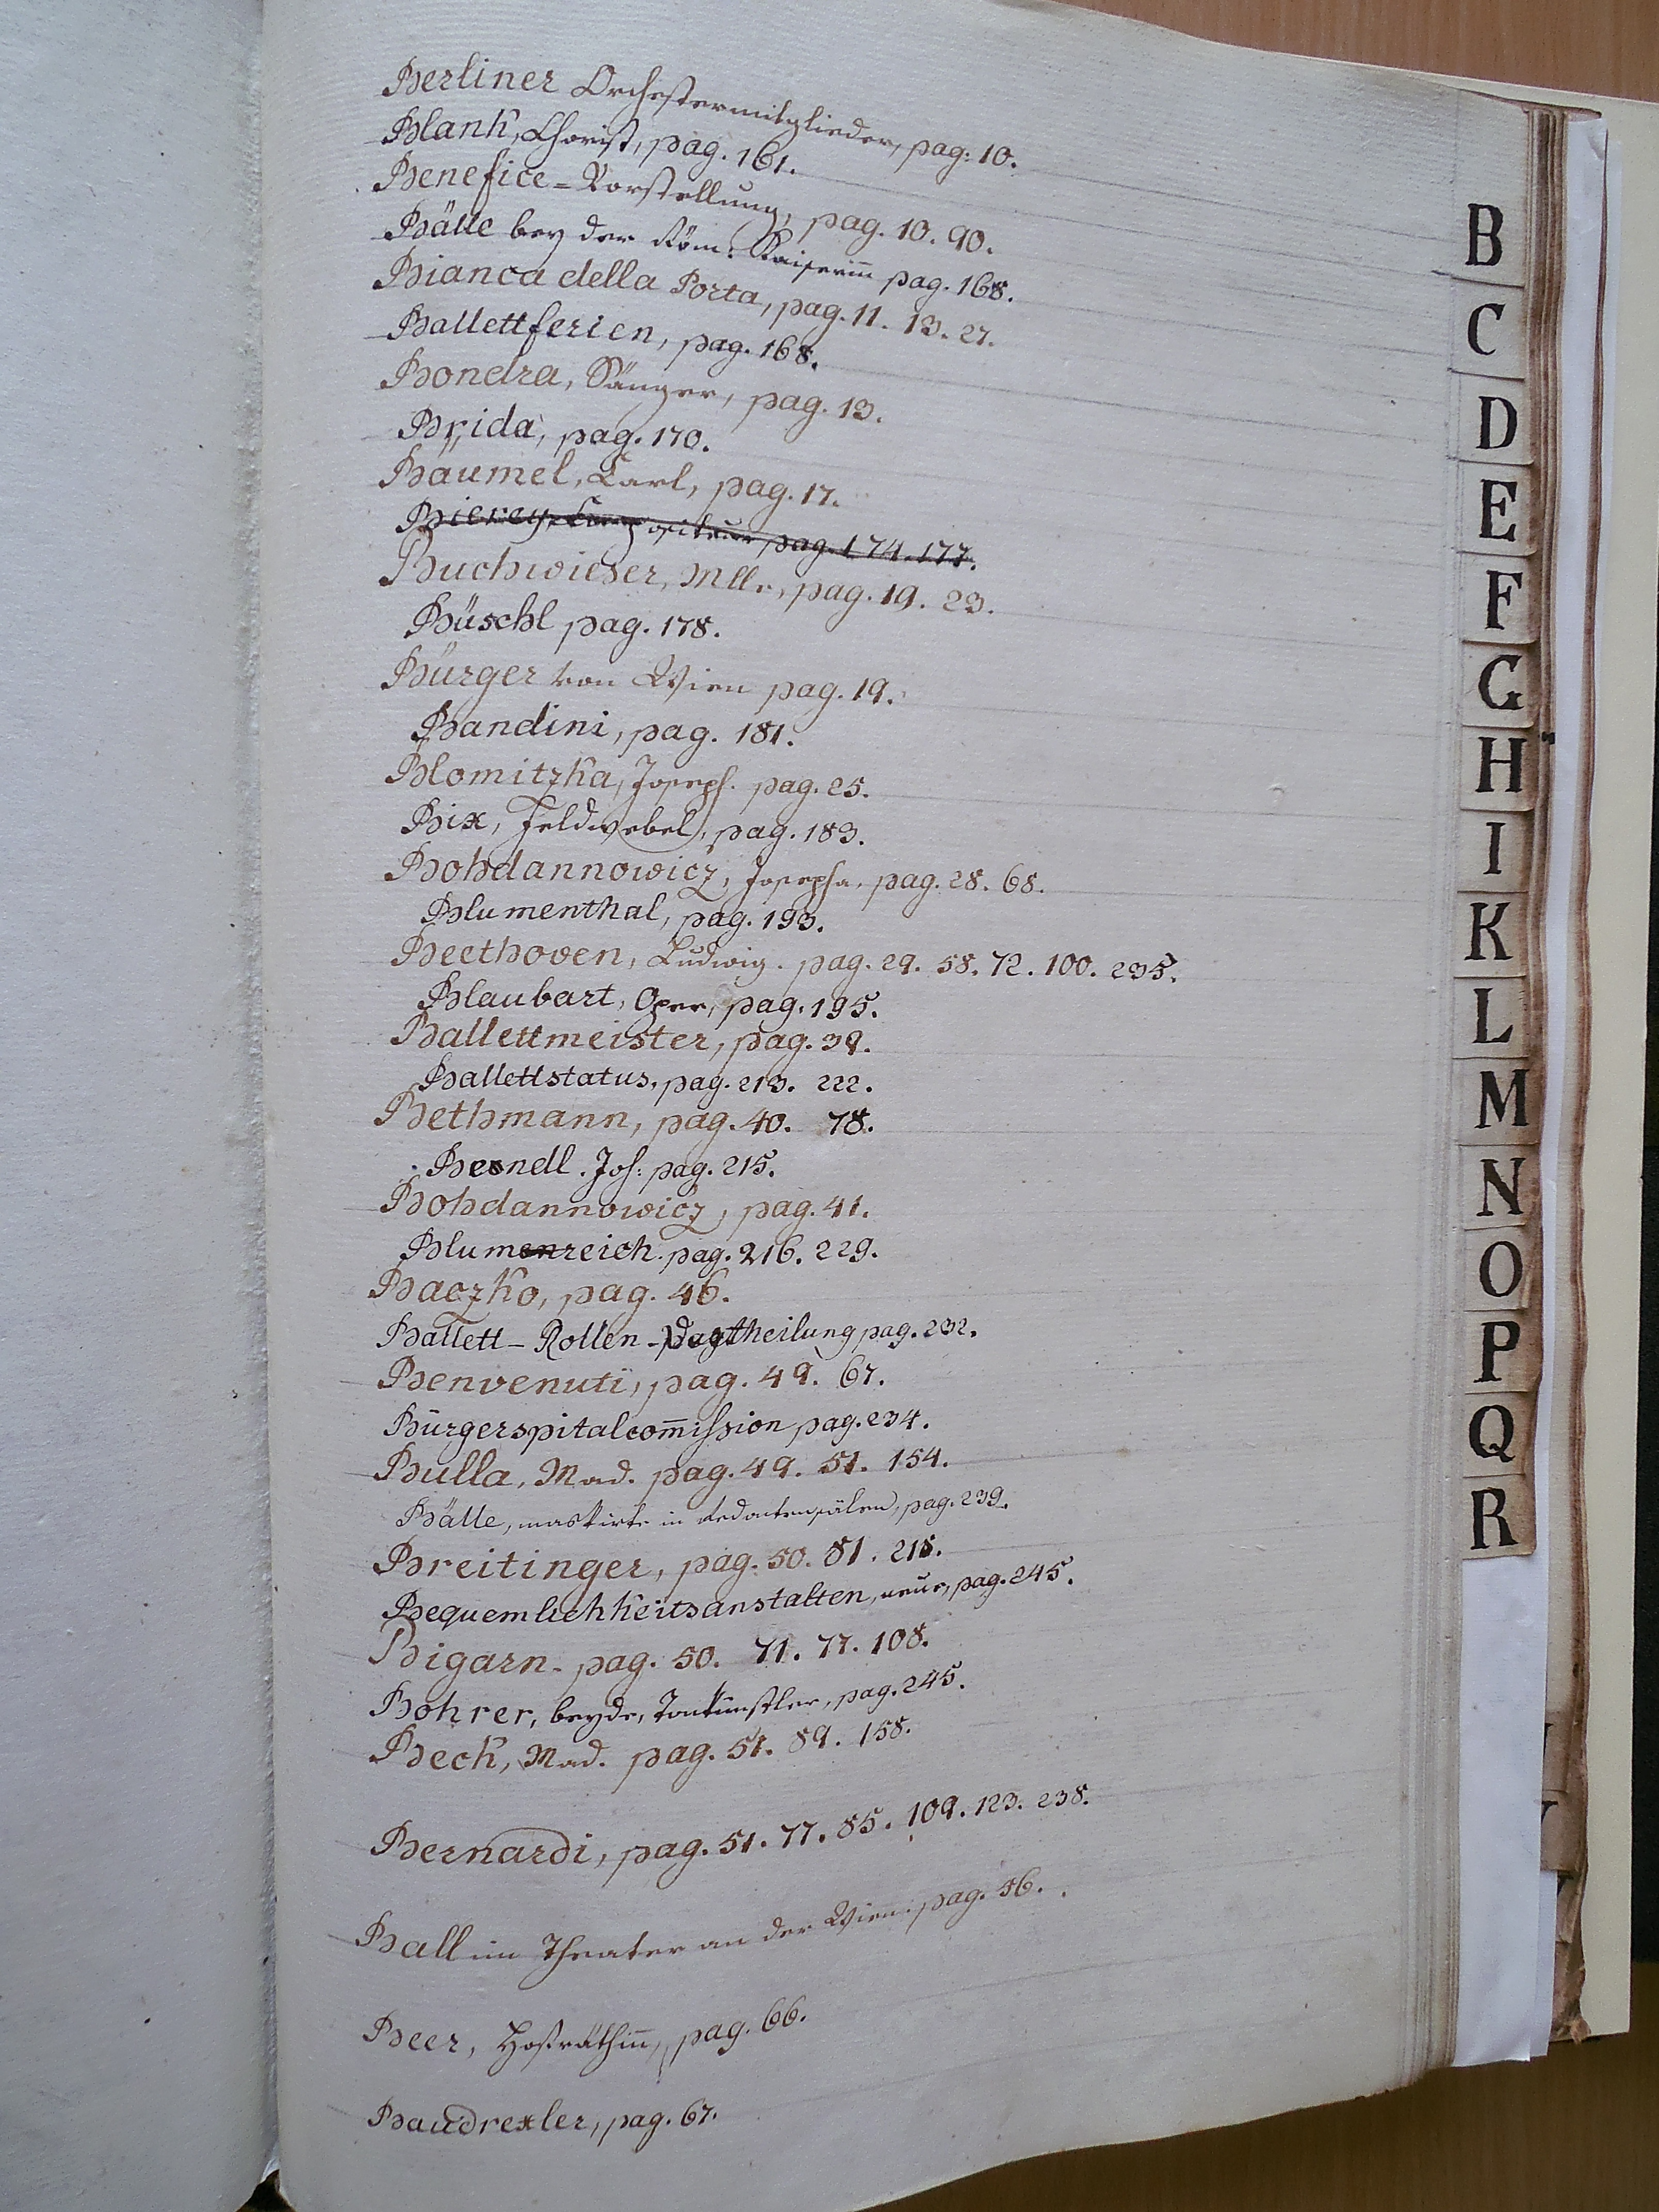B
Berliner Orchestermitglieder, pag. 10.
Blank, Chorist, pag. 161.
Benefice=Vorstellung, pag. 10. 90.
Bälle bey der Röm. Kaiserin̅, pag. 168.
Bianca della Porta, pag. 11. 13. 27.
Ballettferien, pag. 168.
Bondra, Sänger, pag. 13.
Brida, pag. 170.
Bäumel, Carl, pag. 17.
Bierey, Compositeur pag. 174. 177.
Buchwieser, Mlle, pag. 19. 23.
Büschl pag. 178.
Bürger von Wien pag. 19.
Bandini, pag. 181.
Blomitzka, Joseph. pag. 25.
Bix, Feldwebel, pag. 183.
Bohdannowicz, Josepha, pag 28. 68.
Blumenthal, pag. 193.
Beethoven, Ludwig. pag. 29. 58. 72. 100. 235.
Blaubart, Oper, pag. 195.
Ballettmeister, pag. 39.
Ballettstatus, pag 213. 222.
Bethmann, pag. 40. 78.
Beendl. Joh: pag. 215.
Bohdannowicz pag. 41.
Blumenreich. pag. 216. 229.
Baczko, pag. 46.
Ballett_Rollen_Vertheilung pag. 232.
Benvenuti, pag. 49. 67.
Bürgerspitalcom̅ission pag. 234.
Bulla, Mad. pag. 49. 51. 154.
Bälle, maskirte in Redoutensälen, pag. 239.
Breitinger, pag. 50. 81. 218.
Bequemlichkeitsanstalten, neue, pag. 245.
Bigarn. pag. 50. 71. 77. 108.
Bohrer, beyde, Tonkünstler, pag. 245.
Beck, Mad. pag. 51. 89. 158.
Bernardi, pag. 51. 77. 85. 109. 123. 238.
Ball im Theater an der Wien. pag. 56.
Beer, Hofräthin̅, pag. 66.
Baudrexler, pag. 67.